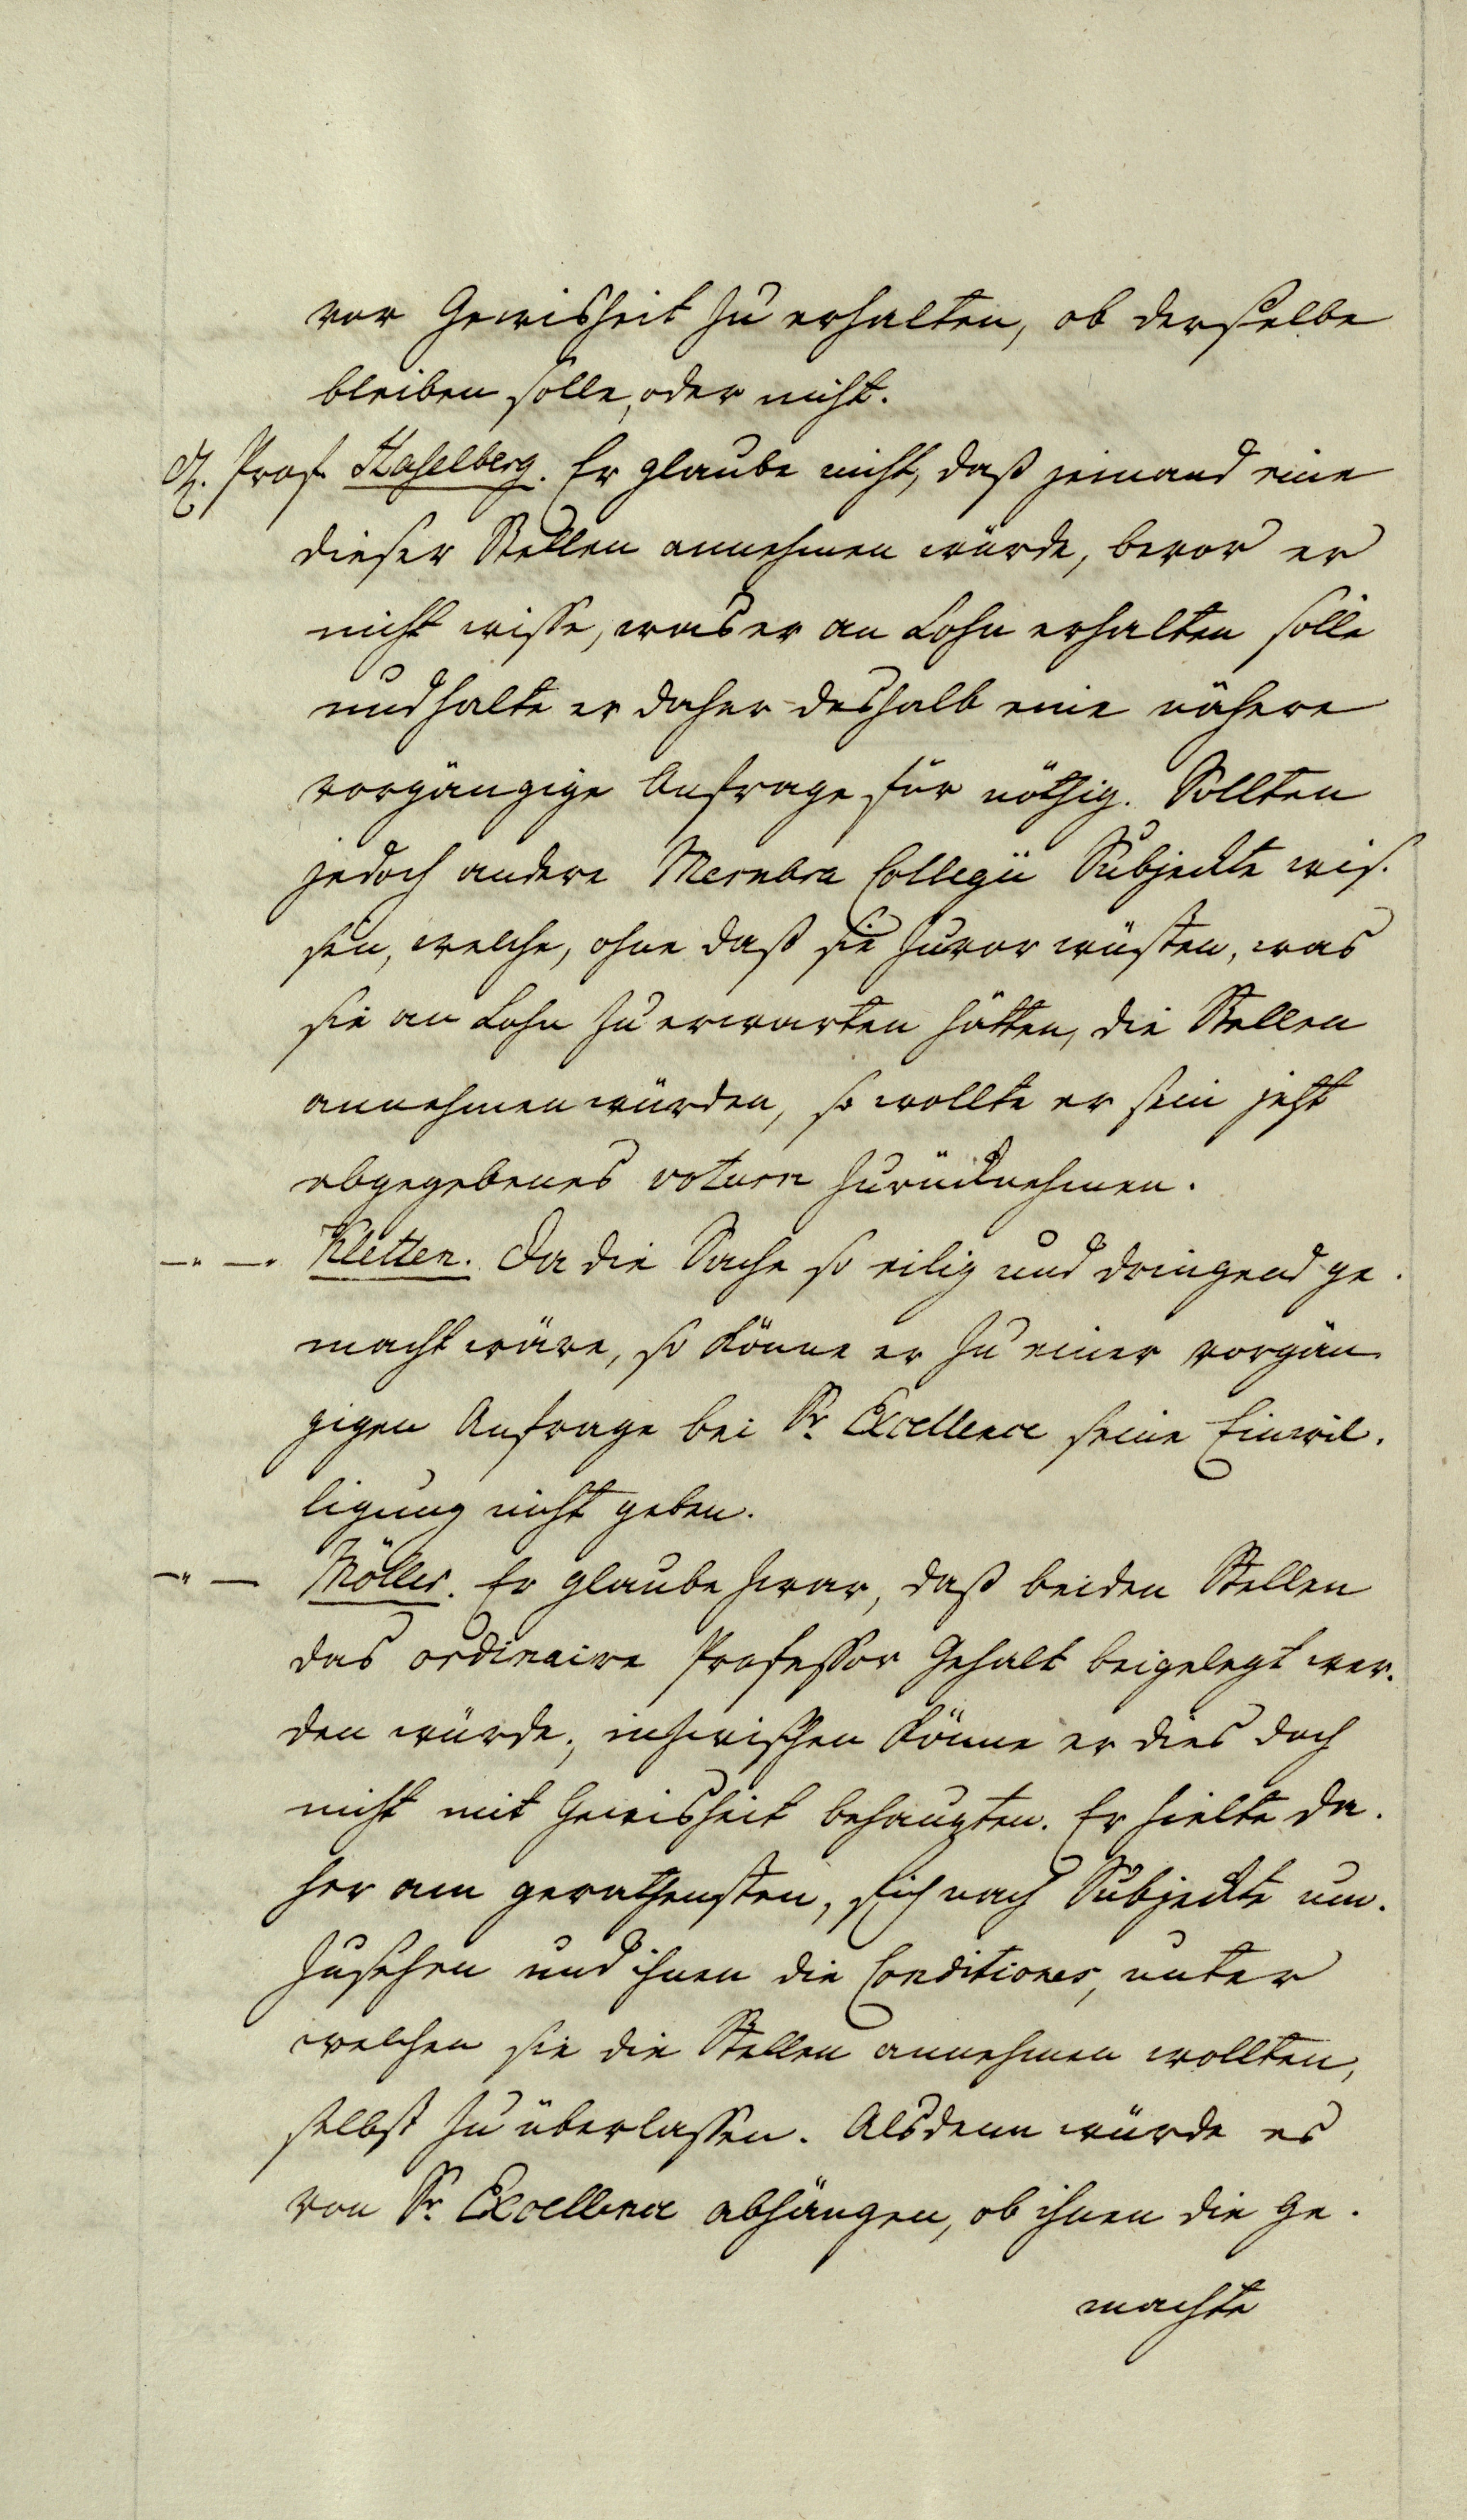vor Gewisheit zu erhalten, ob derselbe
bleiben solle, oder nicht.
dh. Prof. Haselberg. Er glaube nicht, daß jemand eine
dieser Stellen annehmen würde, bevor er
nicht wisse, was er an Lohn erhalten solle
und halte er daher deshalb eine nähere
vorgängige Anfrage für nöthig. Sollten
jedoch andere Membra Collegii Subjecte wis¬
sen, welche, ohne daß sie zuvor wüßten, was
sie an Lohn zu erwarten hätten, die Stellen
annehmen würden, so wollte er sein jetzt
abgegebenes votum zurücknehmen.
— " — . Kletten. Da die Sache so eilig und dringend ge¬
macht wäre, so könne er zu einer vorgän¬
gigen Anfrage bei Sr. Excellence seine Einwil¬
ligung nicht geben.
— " — . Möller. Er glaube zwar, daß beiden Stellen
das ordinaire Professor Gehalt beigelegt wer¬
den würde; inzwischen könne er das doch
nicht mit Gewisheit behaupten. Er hielte da¬
her am gerathensten, sich nach Subjekte um¬
zusehen und ihnen die Conditiones, unter
welchen sie die Stellen annehmen wollten,
selbst zu überlassen. Alsdann würde es
von Sr. Excellence abhängen, ob ihnen die ge¬
machte